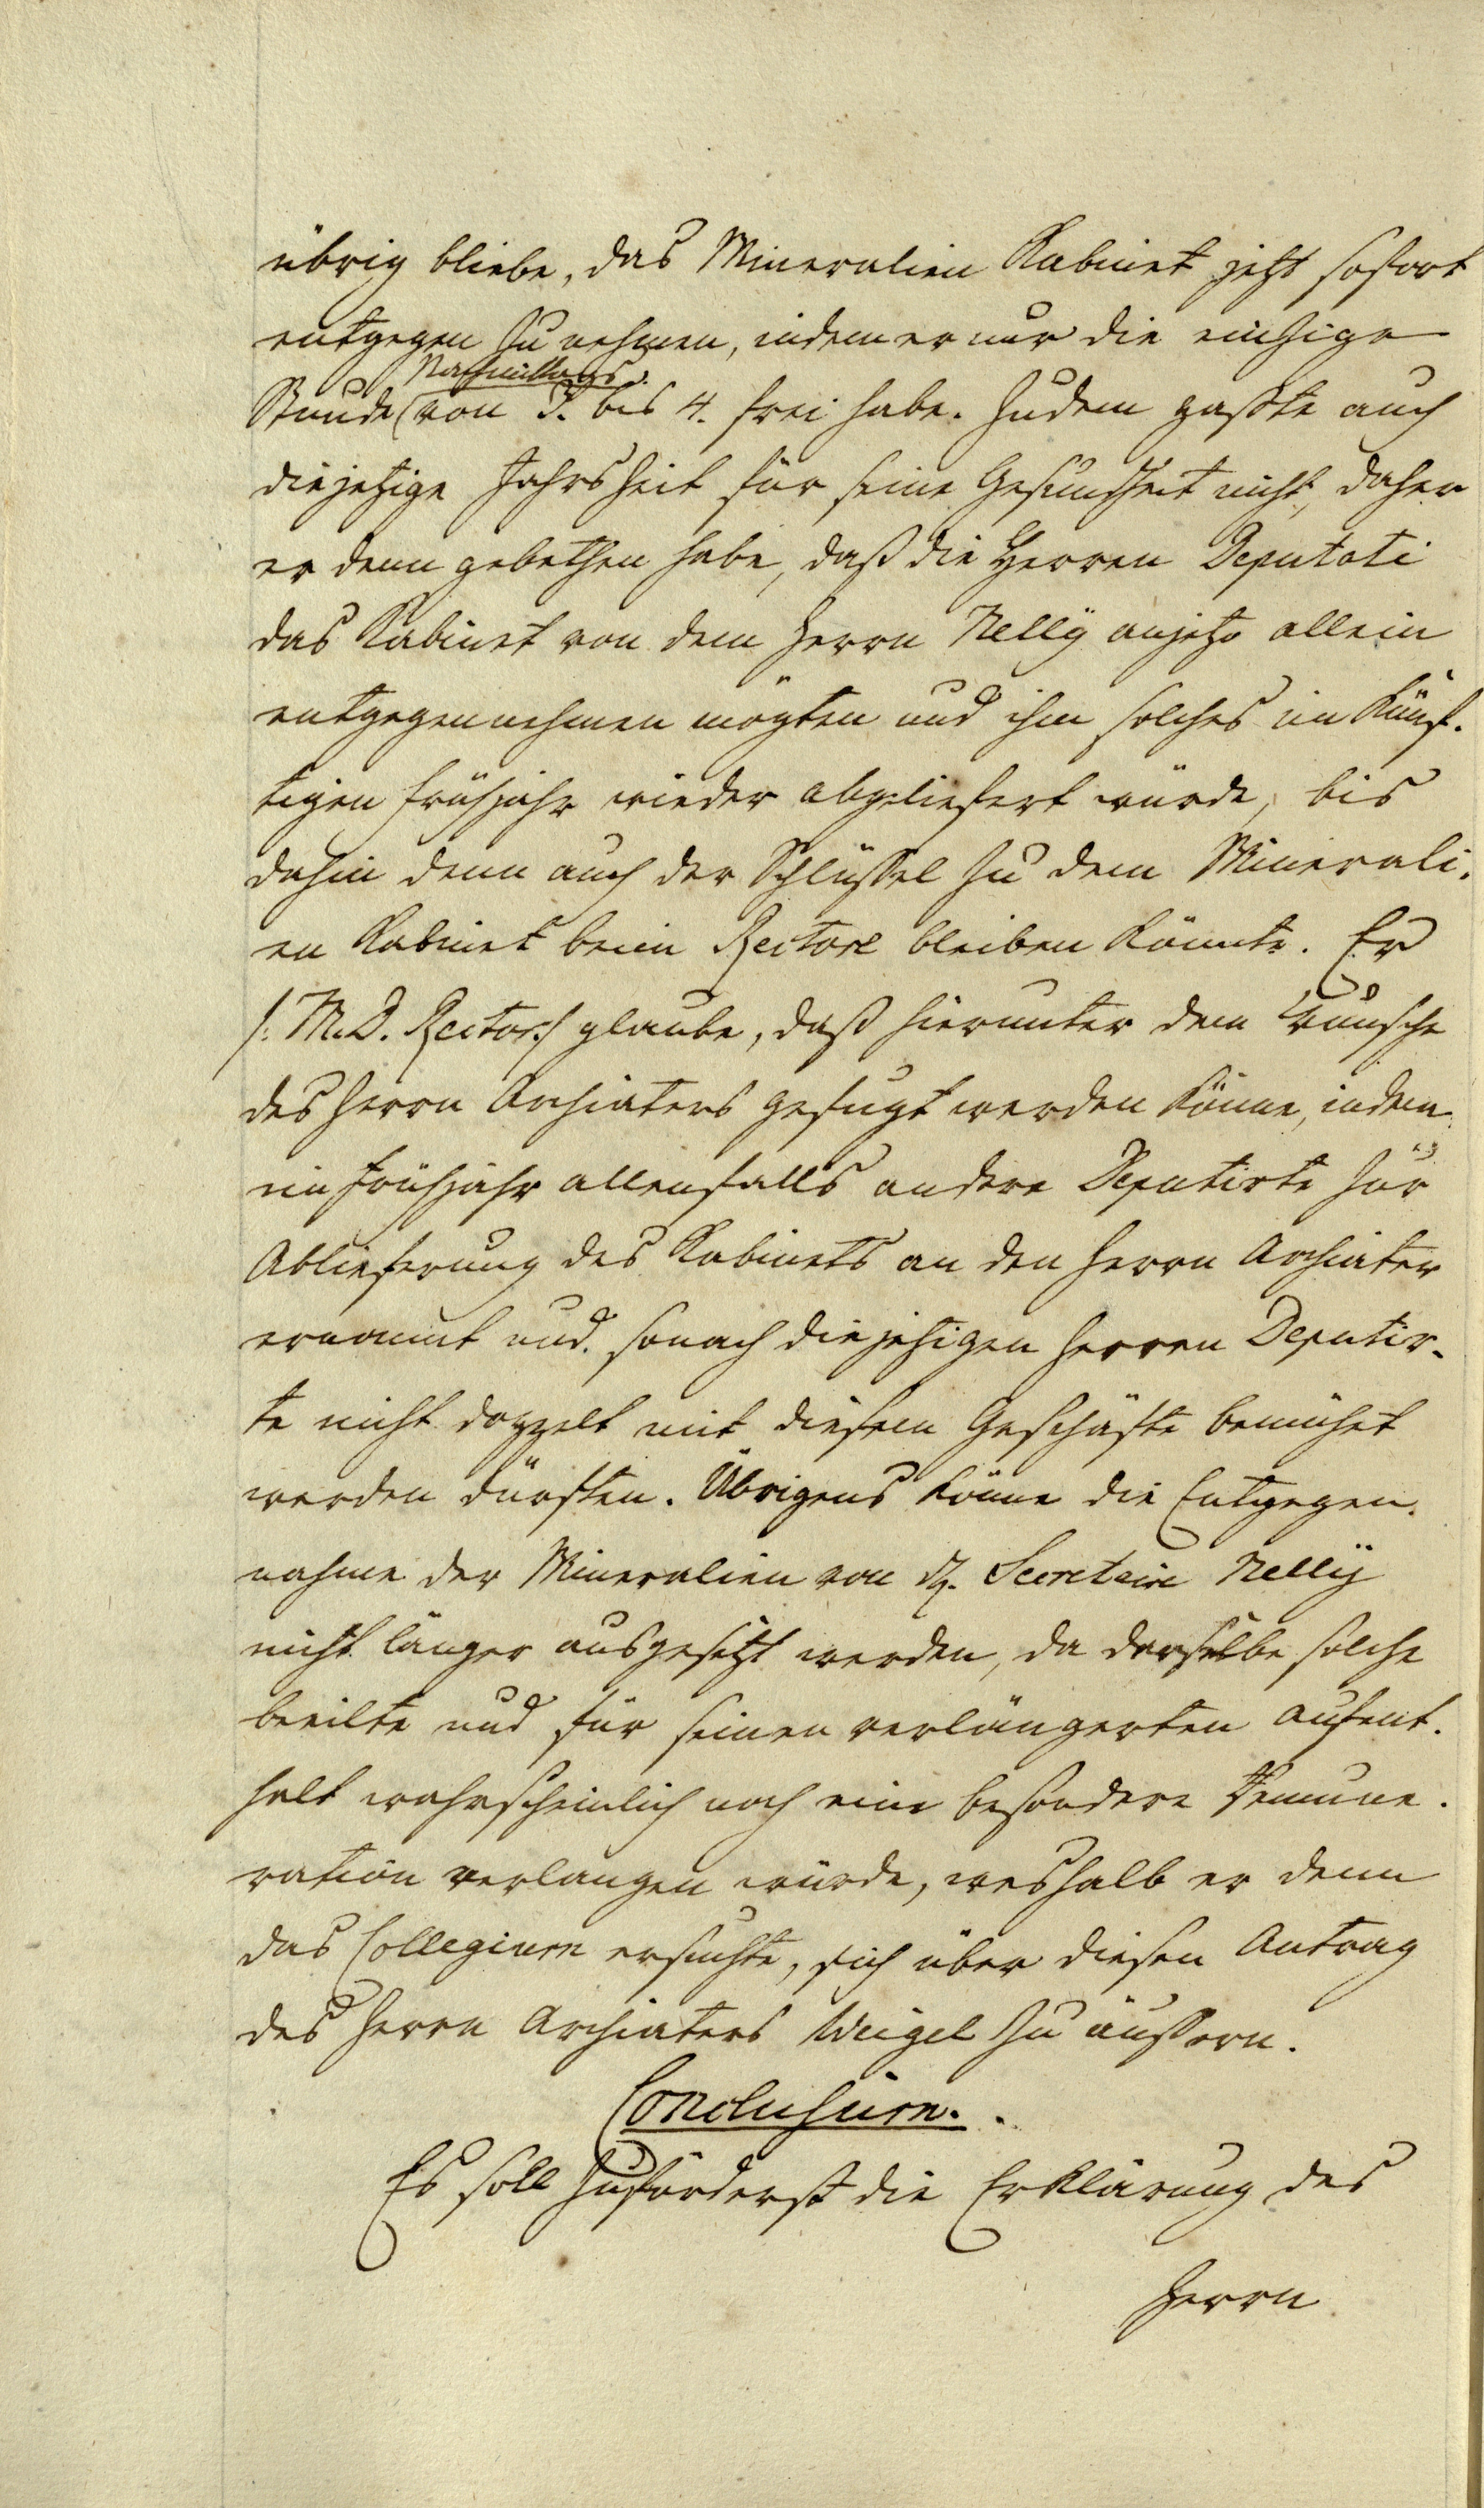übrig bliebe, das Mineralien Kabinet jetzt sofort
entgegen zu nehmen, indem er nur die einzige
Nachmittags
Stunde, von 3. bis 4. frei habe. Zudem paßte auch
die jetzige Jahrszeit für seine Gesundheit nicht, daher
er denn gebethen habe, daß die Herren Deputati
das Kabinet von dem Herrn Nellÿ anjetzo allein
entgegennehmen mögten und ihm solches im künf¬
tigen Frühjahr wieder abgeliefert würde, bis
dahin denn auch der Schlüssel zu dem Minerali¬
en Kabinet beim Rectore bleiben könnte. Er
/: M. D. Rector :/ glaube, daß hierunter dem Wunsche
des Herrn Archiaters gefügt werden könne, indem
im Frühjahr allenfalls andere Deputirte zur
Ablieferung des Kabinets an den Herrn Archiater
ernannt und sonach die jezigen Herren Deputir¬
te nicht doppelt mit diesem Geschäfte bemühet
werden dürften. Übrigens könne die Entgegen¬
nahme der Mineralien von dh. Secretaire Nellÿ
nicht länger ausgesetzt werden, da derselbe solche
beeilte und für seinen verlängerten Aufent¬
halt wahrscheinlich noch eine besondere Remune¬
ration verlangen würde, weshalb er denn
das Collegium ersuchte, sich über diesen Antrag
des Herrn Archiaters Weigel zu äussern.
Conclusum
Es soll zuförderst die Erklärung des
Herrn